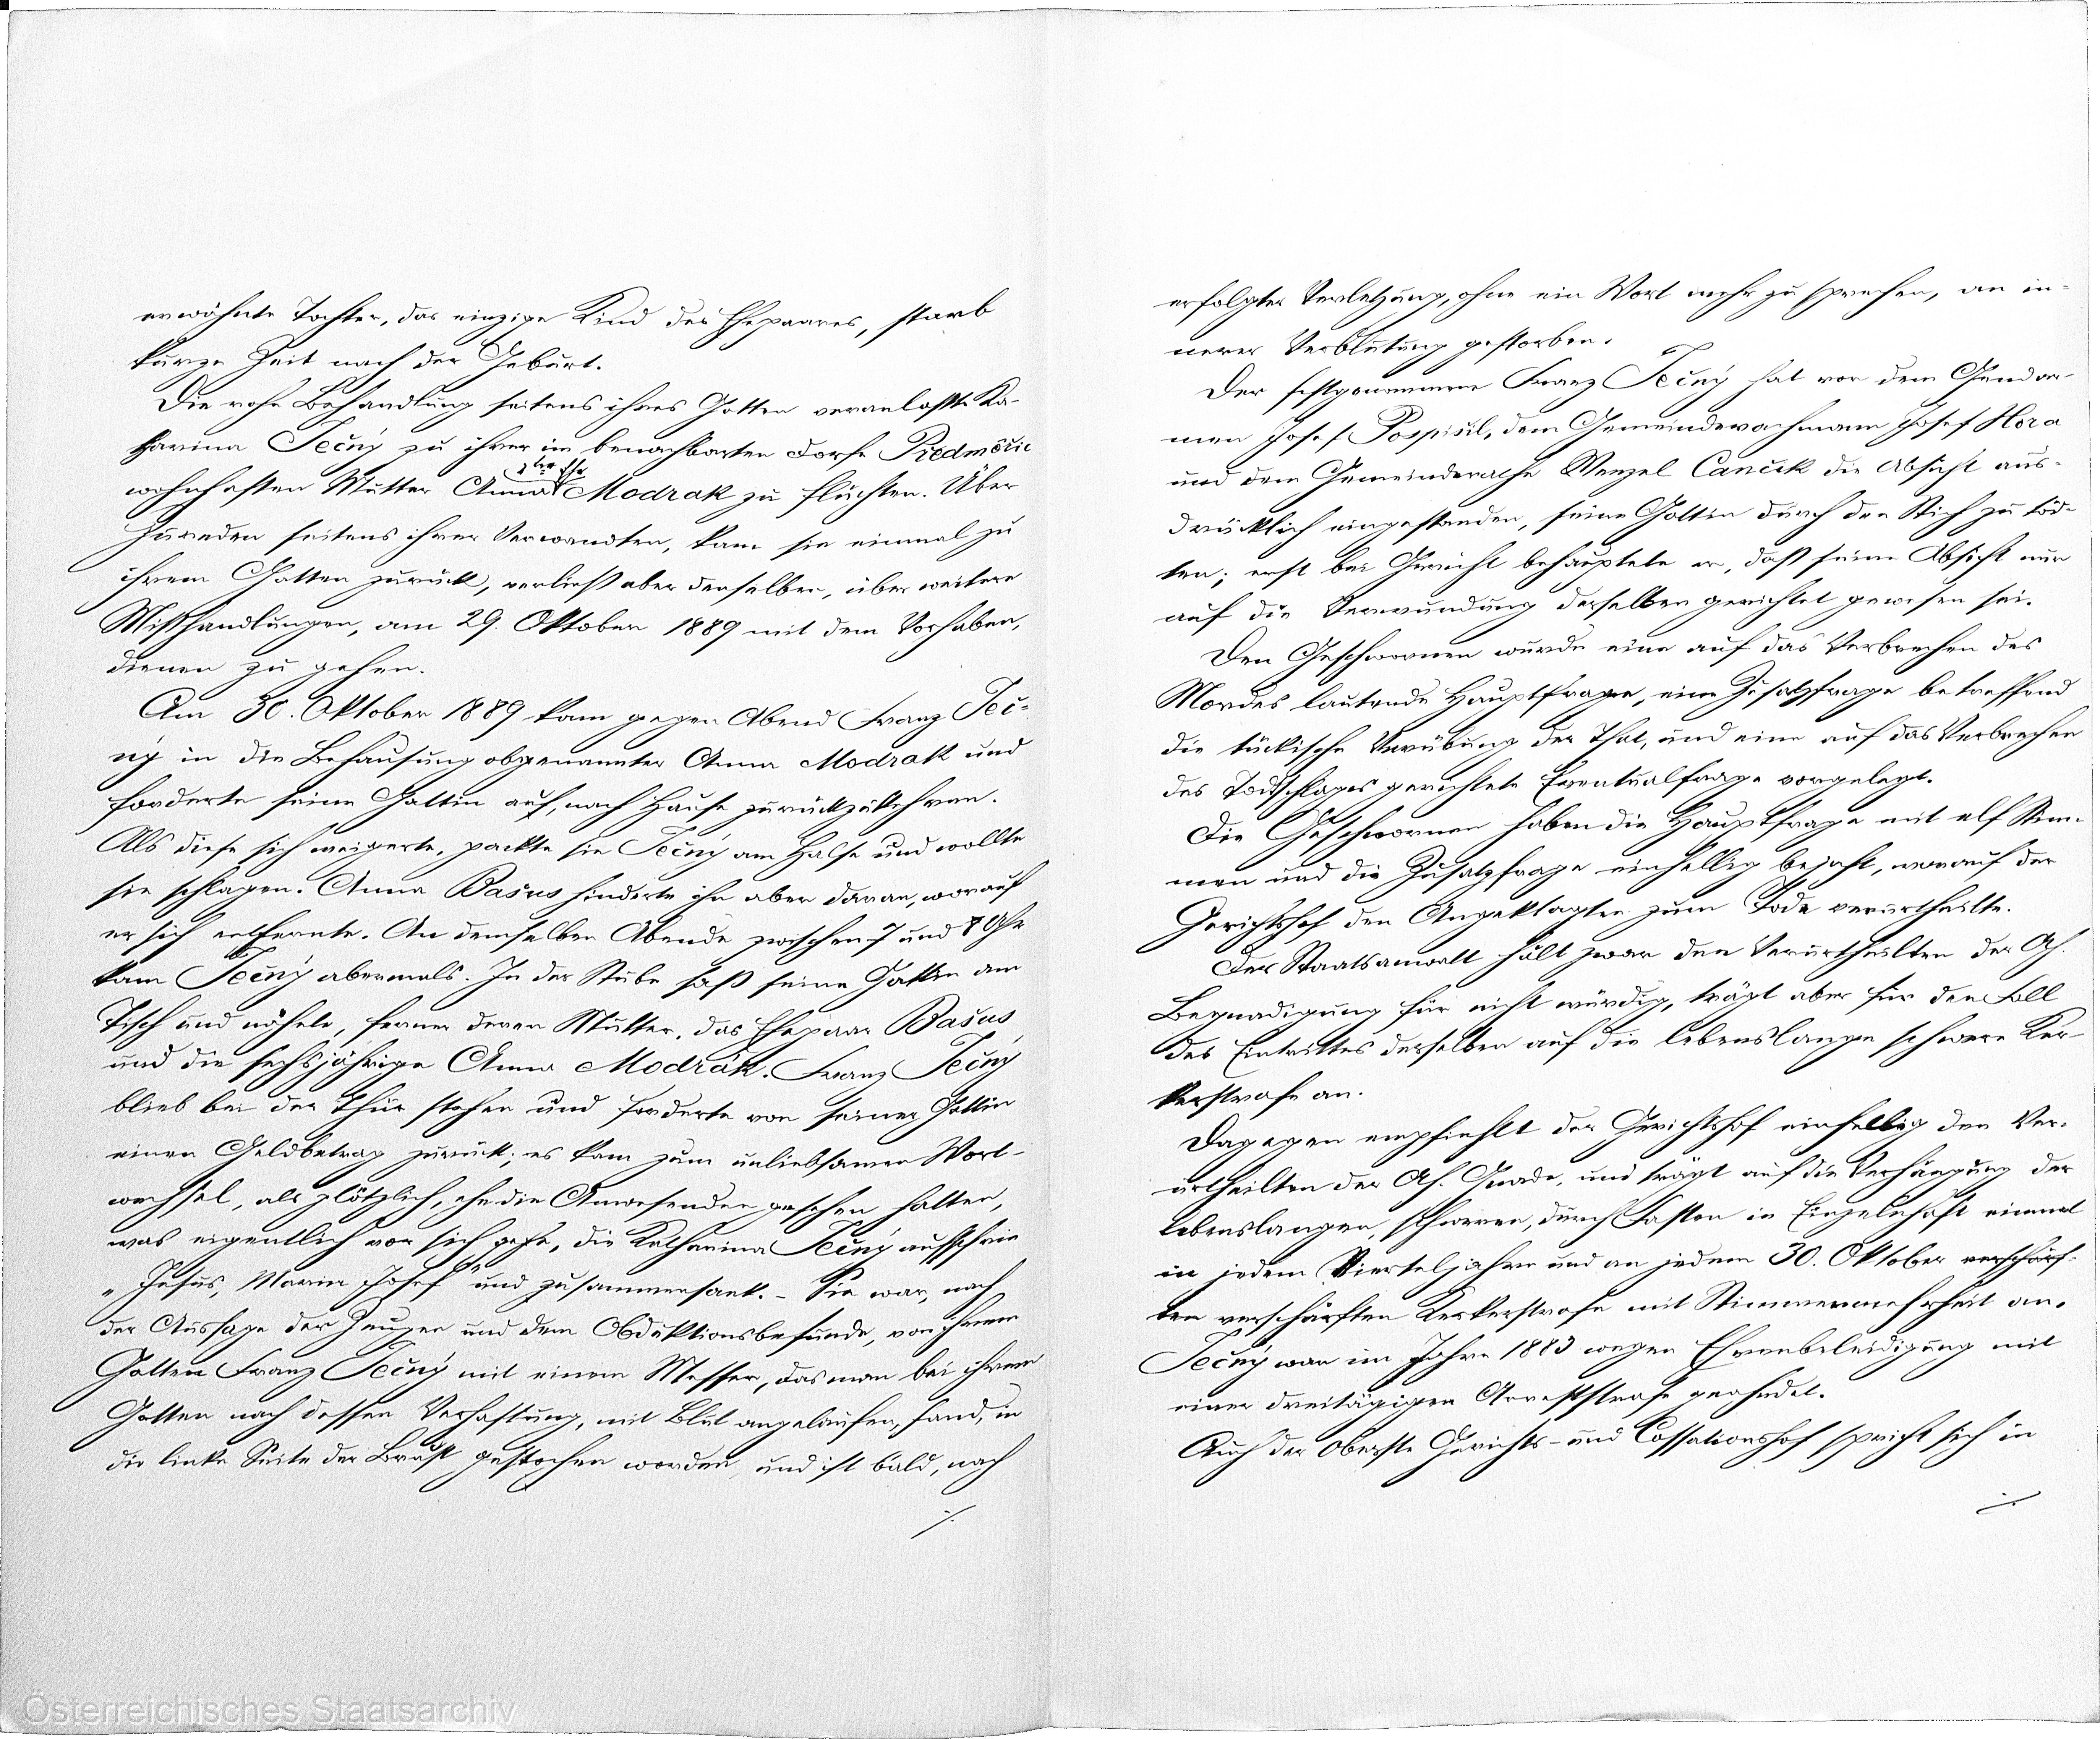erwähnte Tochter, das einzige Kind des Ehepaares, starb
kurze Zeit nach der Gebart.
Die rohe Behandlung seitens ihres Gotten veranlosste Ka¬
tarina Jecný zu ihrer im benachbarten Forse Predmoric
4ter
wohnhaften Mutter Anna Ehr Modrak zu fluchten. Über
Gereden seitens ihrer Verwandten, kam sie einmal zu
ihrem Gallen zurück, verließ aber derselben, über weitere
Misshandlungen, am 29. Oktober 1889 mit dem Vorhaben,
dienen zu gehen.
Am 30. Oktober 1889 kam gegen Abend Franz Jec¬
ný in die Behausung obgenannter Anna Modrak und
forderte seine Gattin auf, nach Hause zurückzättefran.
Als diese sich weigerte, parkte sie Jecný am Halse und wollte
sie schlagen. Anna Basus hinderte ihr aber daran, worauf
er sich entfernte. An demselben Abende zwischen 7 und 8 Uhr
kam Jecný abermals. In das Stube haß seine Gattin am
Tisch und nöhete, franer deren Mutter. Das Ehepaar Basus
und die sechsjährige Anna Modrák. Franz Jecný
blieb bei der Thür Stefan und fraderte von seiner Gattin
einer Geldbetrag zurück, es kam zum unliebsamer Wort¬
wechsel, als plötzlich, ehr die Anwesenden gesehen halten,
was eigentlich vor sich gehe, die Katharina Jecný ausschrie
„ „Jesus, Maria Josef" und zusammensank. - Sie war, nach
der Aussage der Junger und dem Obdektionsbefunde, von ihrem
Gotter Franz Jecný mit einem Messer, das man bei ihrer
Gossen nach dessen Verhaftung, mit Blut angelaufen, fand, in
die linke Seite der Brust gestochen worden, und ist bald, nach
erfolgter Verletzung, ohne ein Wort wehr zu sprechen, an in¬
nerer Verblutung gestorben.
Der schegenommene Franz Jecný hat vor dem Gendar¬
men Josef Pospisil, dem Gemeinde vorhmann Josef Hora
und dem Gemeinderache Wenzel Cancik die Absicht aus¬
drücklich eingestanden, seine Gottin durch den Stich zu töd¬
ten, erst bei Gericht behauptete er, daß seine Absicht nur
auf die Verwundung derselben gerichtet gewesen sei.
Den geschwornen wurde eine auf das Verbrechen des
Mordes lautende Hauptfrage, eine Zusatzfrage betreffend
die tückische Verübung der That, und eine auf das Verbrechen
des Todtschlages gerichtete Ewentualfrage vorgelegt.
Die Geschwornen haben die Hauptfrage mit elf Stim¬
men und die Zusatzfrage einhellig bejaht, worauf der
Gerichtshof den Angeklagter zum Tode verurtheilte.
Der Staatsanwalt hält zwar den Verurtheilten der As.
Begnadigung für nicht würdig, trägt aber für den Foll
des Eintrittes desselben auf die lebenslange schwere Ker¬
kerstrafe an.
Dagegen empfiehlt der Gerichtshof einfellig den Ver¬
urtheilten der As. Gnade, und trägt auf die Verhängung der
lebenslangen schwere, durch Fasten in Einzelnhaft einmal
in jedem Vierteljahren und an jedem 30. Oktober verschärf¬
ten Kerkerstrafe mit Stimmenmehrheit am
Jecný war im Jahre 1883 wegen Ehrenbeleidigung mit
einer dreitägigen Arreststrafe gnafindet.
Auch der oberste Gerichts- und Cossationshof spricht sich in